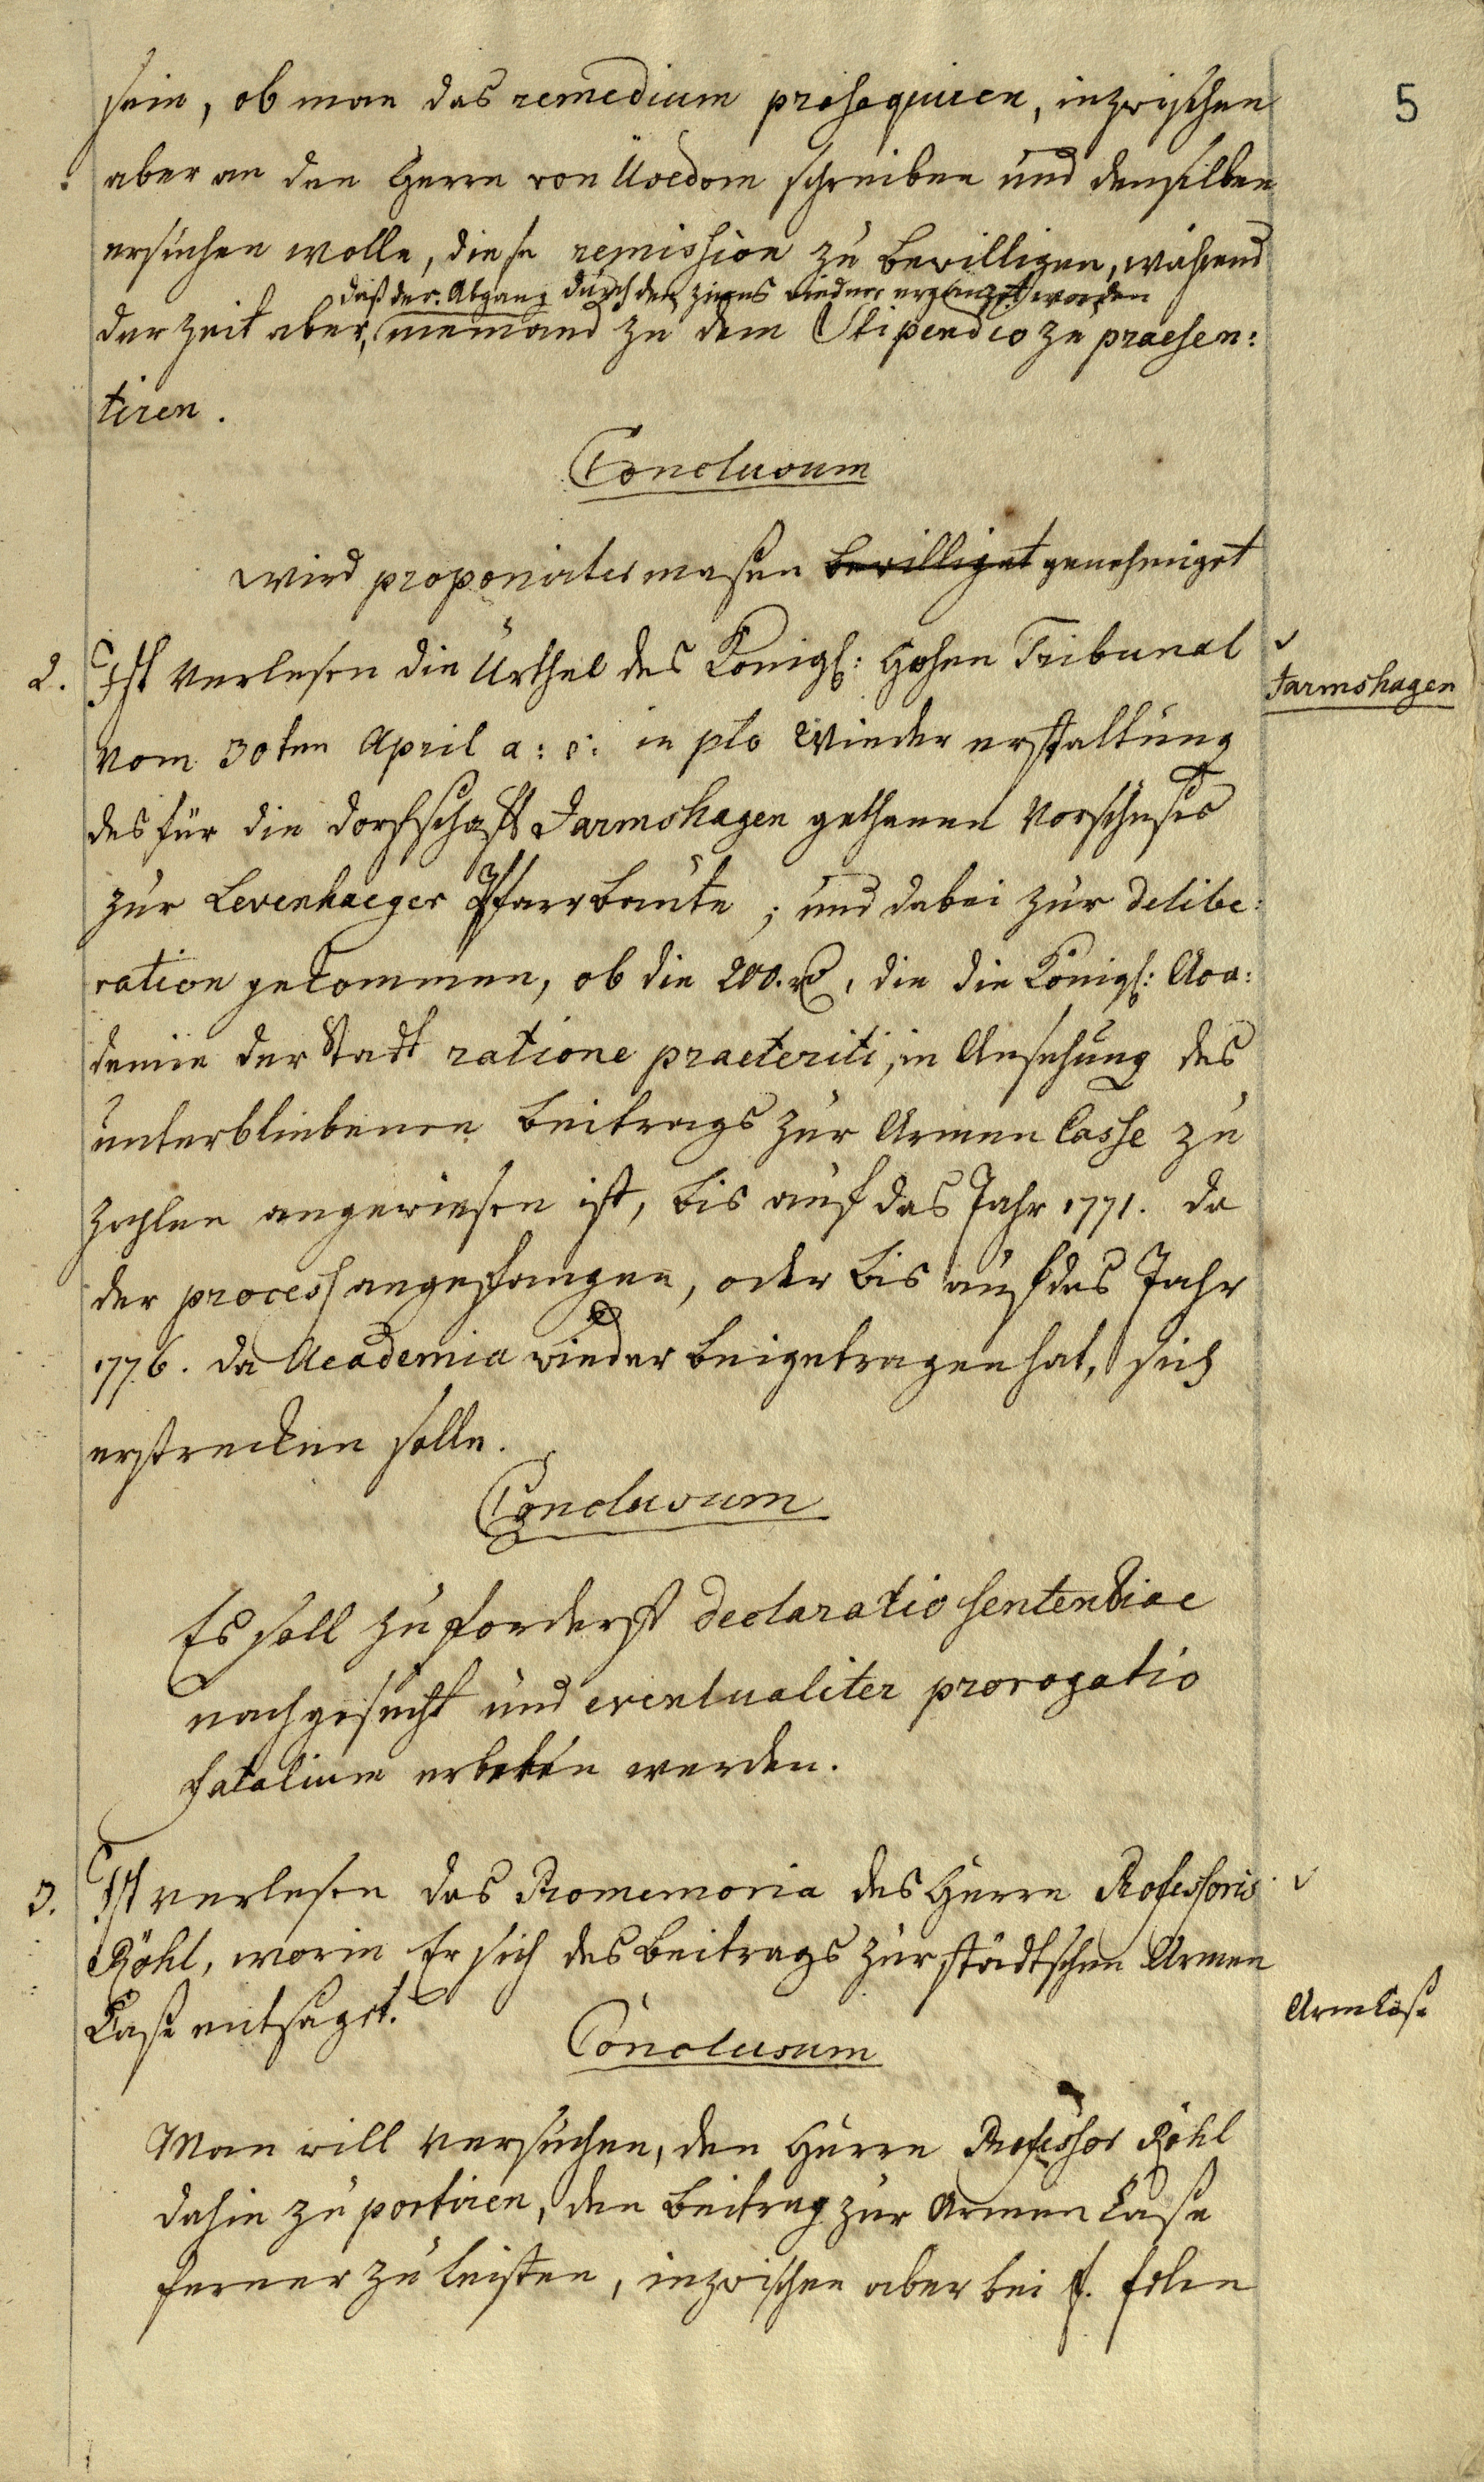sein, ob man das remedium prosequiren, inzwischen
aber an den Herrn von Usedom schreiben und denselben
ersuchen wolle, diese remission zu bewilligen, während
daß der Abgang durch den zinns wieder ergänzet worden
der Zeit aber niemand zu dem Stipendio zu praesen¬
tiren.
Conclusum
wird proponirter maßen bewilliget genehmiget
2. Ist verlesen die Urthel des Königl: Hohen Tribunal
vom 30ten April a: c: in pto Wieder erstattung
des für die Dorfschaft Jarmshagen gethanen Voschußes
zur Levenhaeger PfarrBaute; und dabei zur delibe¬
ration gekommen, ob die 200. r , die die Königl: Aca¬
demie der Stadt ratione praeteriti in Ansehung des
unterbliebenen Beitrags zur Armen Casse zu
zahlen angewiesen ist, bis auf das Jahr 1771. da
der process angefangen, oder bis auf das Jahr
1776. da Academia wieder beigetragen hat, sich
erstrecken solle.
Conclusum
Es soll zu forderst declaratio sententiae
nachgesucht und eventualiter prorogatio
satalium erbeten werden.
3. Ist verlesen das Promemoria des Herrn Professoris
Röhl, worin Er sich des Beitrags zur städtischen Armen
Caße entsaget.
Conclusum
Man will versuchen, den Herrn Professor Röhl
dahin zu portiren, den Beitrag zur Armen Caße
ferner zu leisten, inzwischen aber bei f.felen